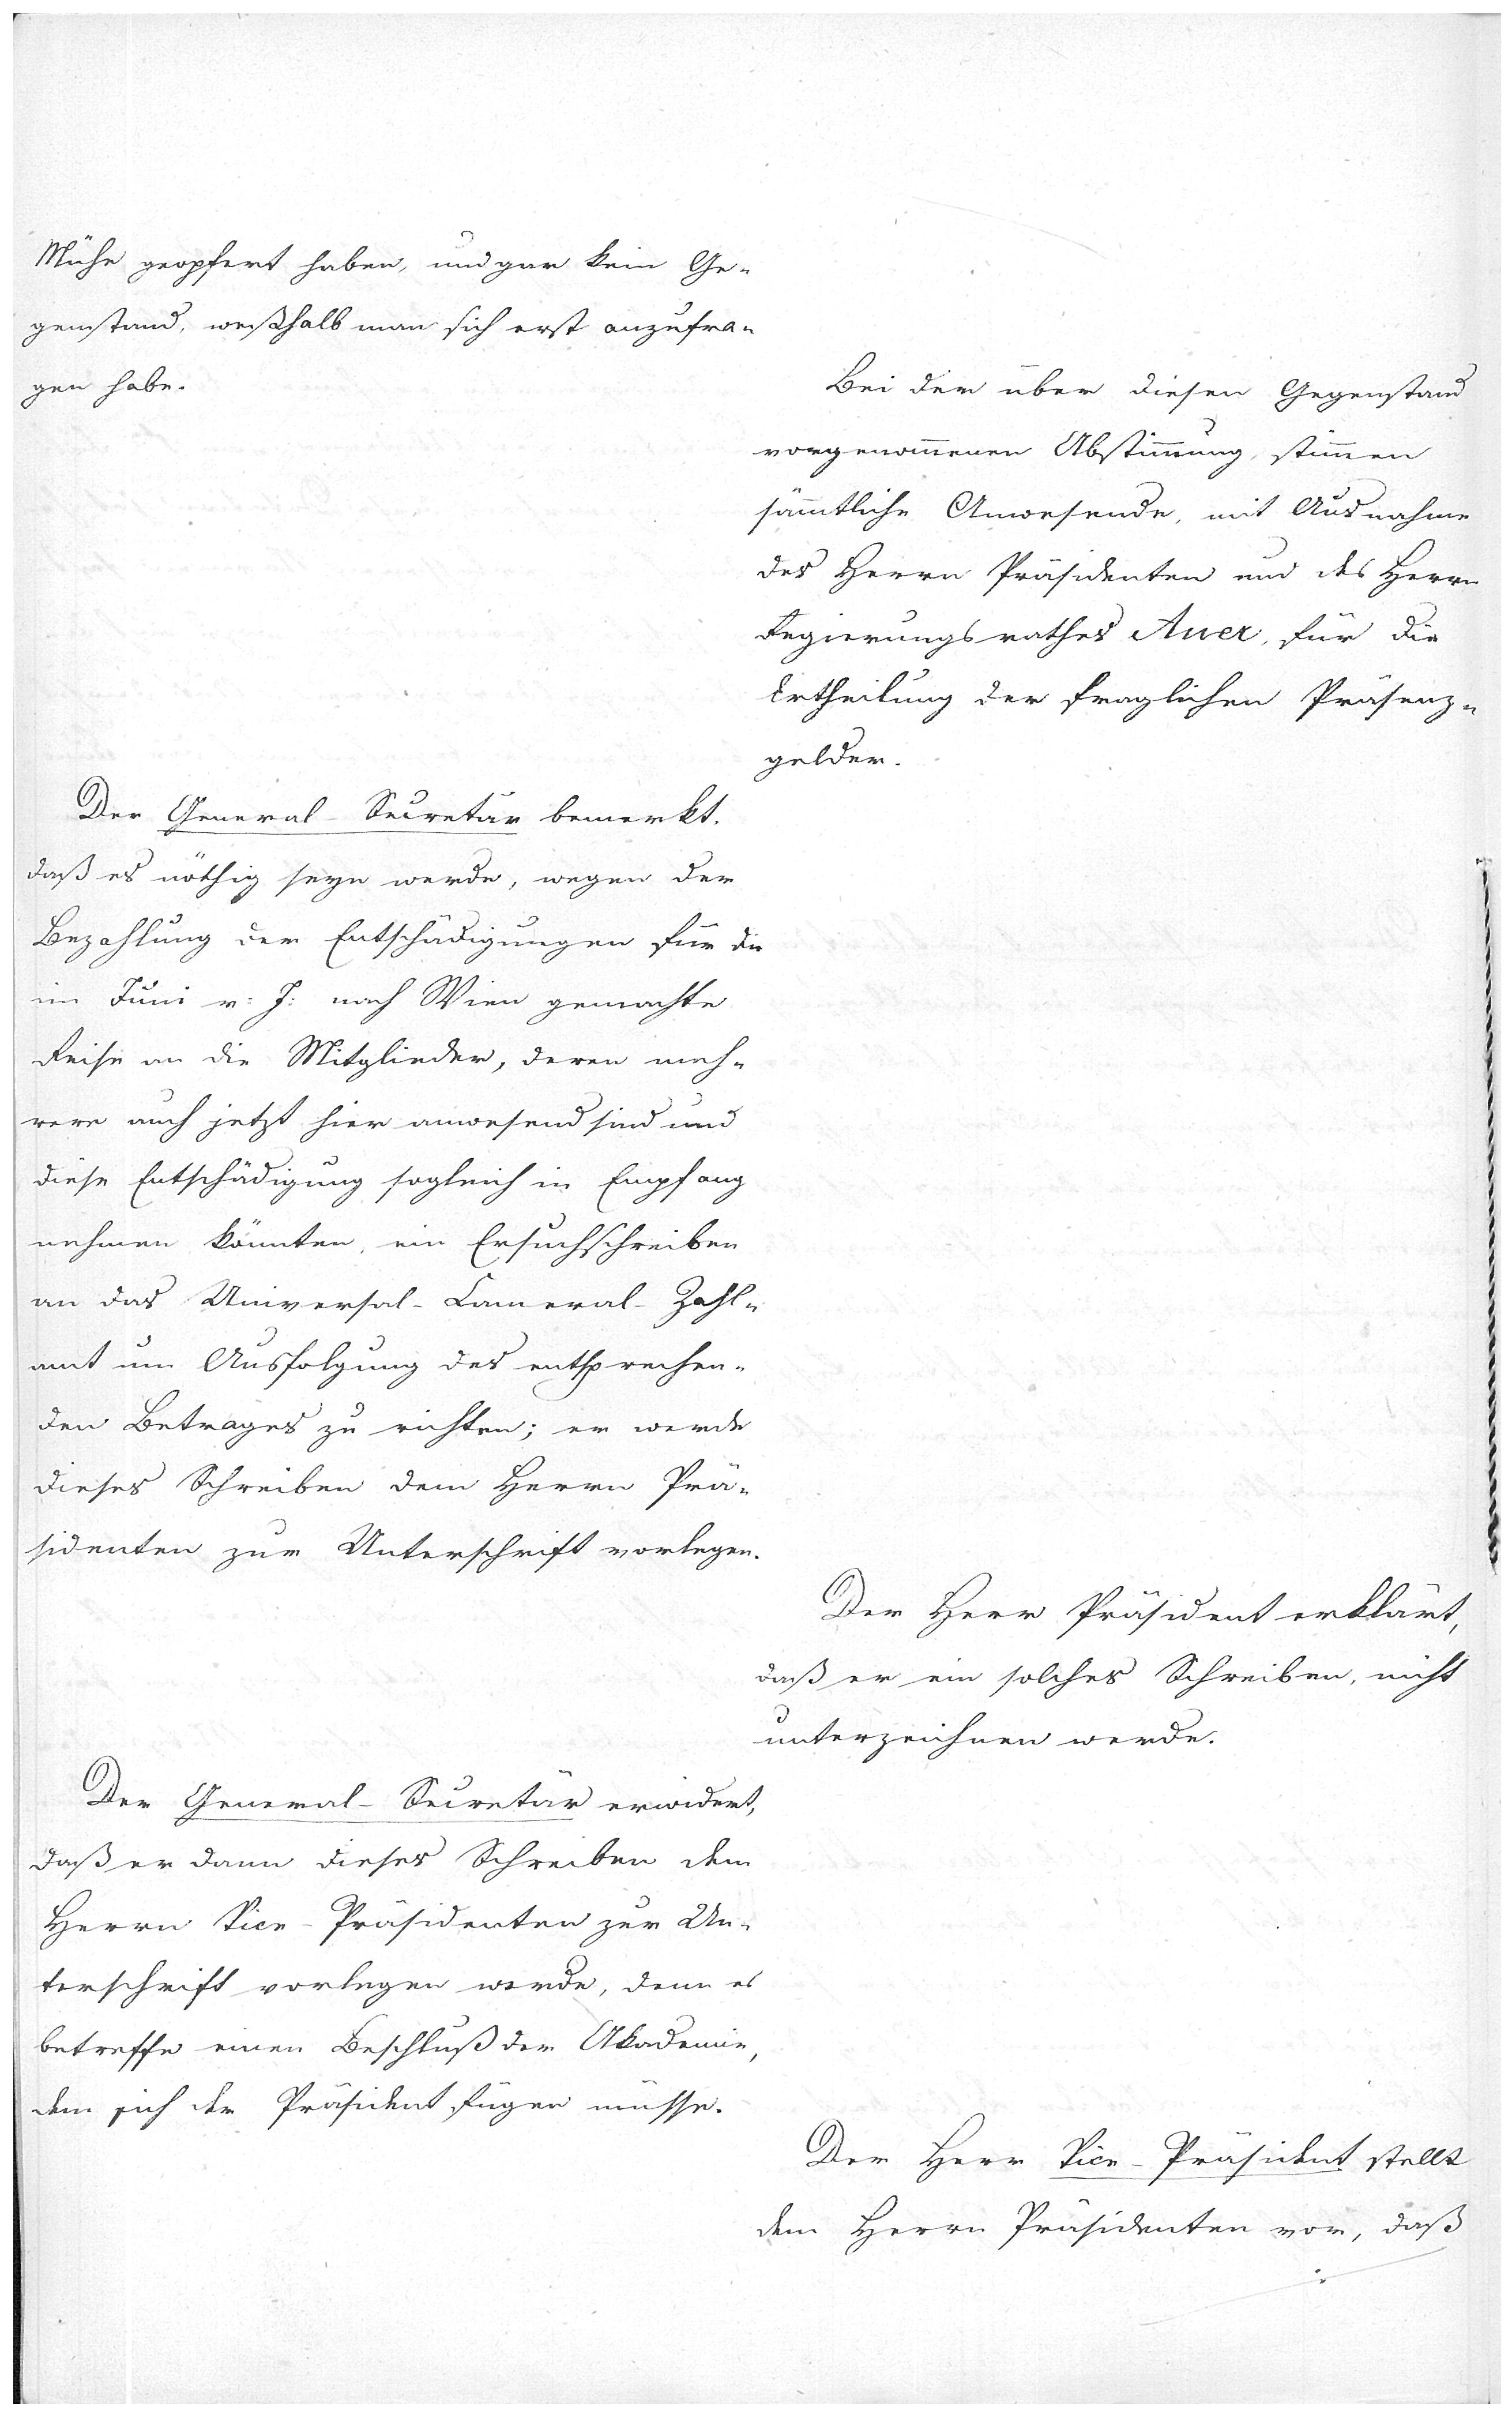Mühe geopfert haben, und gar kein Ge-
genstand, weßhalb man sich erst anzufra-
gen habe.
Bei der über diesen Gegenstand
vorgenommenen Abstimmung stimmen
sämmtliche Anwesende, mit Ausnahme
des Herrn Präsidenten und des Herrn
Regierungsrathes Auer, für die
Ertheilung der fraglichen Präsenz-
gelder.
Der General-Secretär bemerkt,
daß es nöthig seyn werde, wegen der
Bezahlung der Entschädigungen für die
im Juni v:J: nach Wien gemachten
Reise an die Mitglieder, deren meh-
rere auch jetzt hier anwesend sind und
diese Entschädigung sogleich in Empfang
nehmen könnten, ein Ersuchschreiben
an das Universal-Cameral-Zahl-
amt um Ausfolgung des entsprechen-
den Betrages zu richten; er werde
dieses Schreiben dem Herrn prä-
sidenten zur Unterschrift vorlegen.
Der Herr Präsident erklärt,
daß er ein solches Schreiben nicht
unterzeichnen werde.
Der General-Secretär erwidert,
daß er dann dieses Schreiben dem
Herrn Vice-Präsidenten zur Un-
terschrift vorlegen werde, denn es
betreffe einen Beschluß der Akademie,
dem sich der Präsident fügen müsse.
Der Herr Vice-Präsident stellt
dem Herrn Präsidenten vor, daß